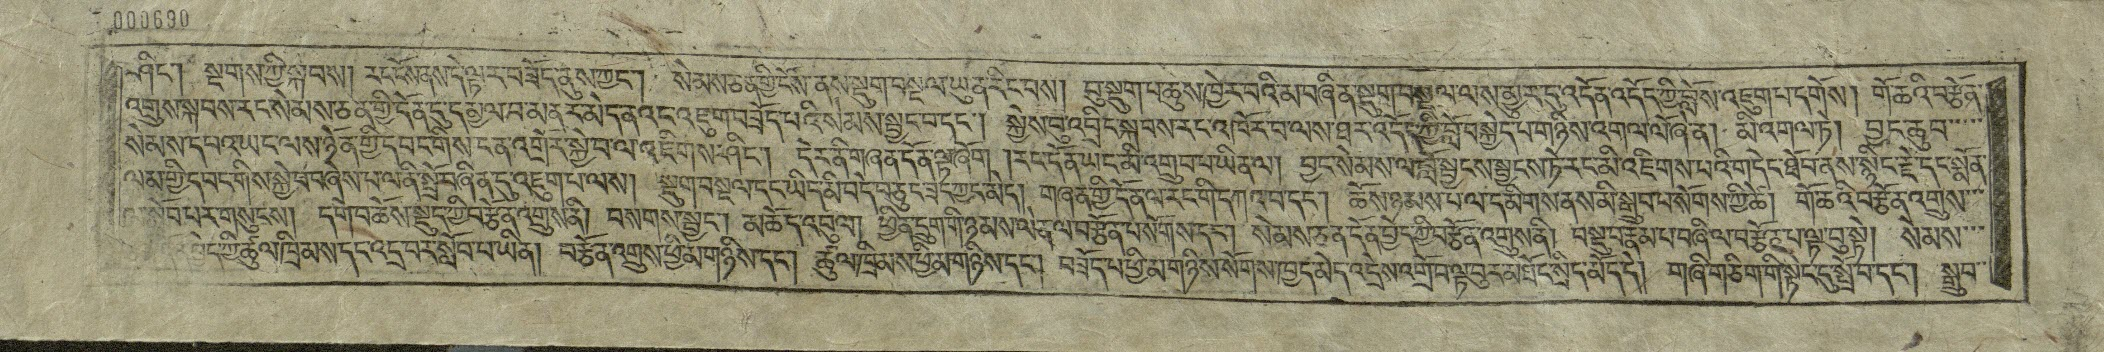ཤིང་། སྔགས་ཀྱི་སྐབས། རང་ངོས་ནས་དེ་ལྟར་བཟོད་ནུས་ཀྱང་། སེམས་ཅན་གྱི་ངོས་ནས་སྡུག་བསྔལ་ཡུན་རིང་བས། བུ་སྡུག་པ་ཆུས་ཁྱེར་བའི་མ་བཞིན་སྡུག་བསྔལ་ལས་མྱུར་དུ་འདོན་འདོད་ཀྱི་བློས་འཇུག་པ་དགོས། གོ་ཆའི་བརྩོན་
འགྲུས་སྐབས་རང་སེམས་ཅན་གྱི་དོན་དུ་དམྱལ་བ་མནར་མེད་ནའང་འཇུག་བཟོད་པའི་སེམས་སྦྱང་བ་དང་། སྐྱེས་བུ་འབྲིང་སྐབས་རང་འཁོར་བ་ལས་ཐར་འདོད་ཀྱི་བློ་བསྐྱེད་པ་གཉིས་འགལ་ལོ་ཞེ་ན། མི་འགལ་ཏེ། བྱང་ཆུབ་
སེམས་དཔའ་ཡང་ལས་ཉོན་གྱི་དབང་གིས་ངན་འགྲོར་སྐྱེ་བ་ལ་འཇིགས་ཤིང་། དེར་ནི་གཞན་དོན་ལྟ་ཞོག །རང་དོན་ཡང་མི་འགྲུབ་པ་ཡིན་ལ། བྱང་སེམས་ལ་བློ་སྦྱངས་སྦྱངས་ཏེ་རང་མི་འཇིགས་པའི་གདེང་ཐོབ་ནས་སྙིང་རྗེ་དང་སྨོན་
ལམ་གྱི་དབང་གིས་སྐྱེ་བ་བཞེས་པ་ལ་ནི་སྤྲོ་བཞིན་དུ་འཇུག་པ་ལས། སྡུག་བསྔལ་དང་ཡིད་མི་བདེ་བ་ཅུང་ཟད་ཀྱང་མེད། གཞན་གྱི་དོན་ལ་རང་གི་དཀའ་བ་དང་། ཆོས་ཉམས་པ་ལ་དམིགས་ནས་མི་སྒྲུབ་པ་སོགས་ཀྱི་ཚེ། གོ་ཆའི་བརྩོན་འགྲུས་
ལ་སློབ་པར་གསུངས། དགེ་བ་ཆོས་སྡུད་ཀྱི་བརྩོན་འགྲུས་ནི། བསགས་སྦྱང་། མཆོད་འབུལ། ཕྱིན་དྲུག་གི་ཉམས་ལེན་ལ་བརྩོན་པ་སོགས་དང་། སེམས་ཅན་དོན་བྱེད་ཀྱི་བརྩོན་འགྲུས་ནི། བསྡུ་བ་རྣམ་པ་བཞི་ལ་བརྩོན་པ་ལྟ་བུ་སྟེ། སེམས་
ཅན་དོན་བྱེད་ཀྱི་ཚུལ་ཁྲིམས་དང་འདྲ་བར་སློབ་པ་ཡིན། བརྩོན་འགྲུས་ཕྱི་མ་གཉིས་དང་། ཚུལ་ཁྲིམས་ཕྱི་མ་གཉིས་དང་། བཟོད་པ་ཕྱི་མ་གཉིས་སོགས་ཁྱད་མེད་འདྲེས་འགྲོ་བ་ལྟ་བུར་མཐོངྶྲིད་མོད་དེ། གཞི་གཅིག་གི་སྟེང་དུ་སྤྲོ་བ་དང་། སྒྲུབ་